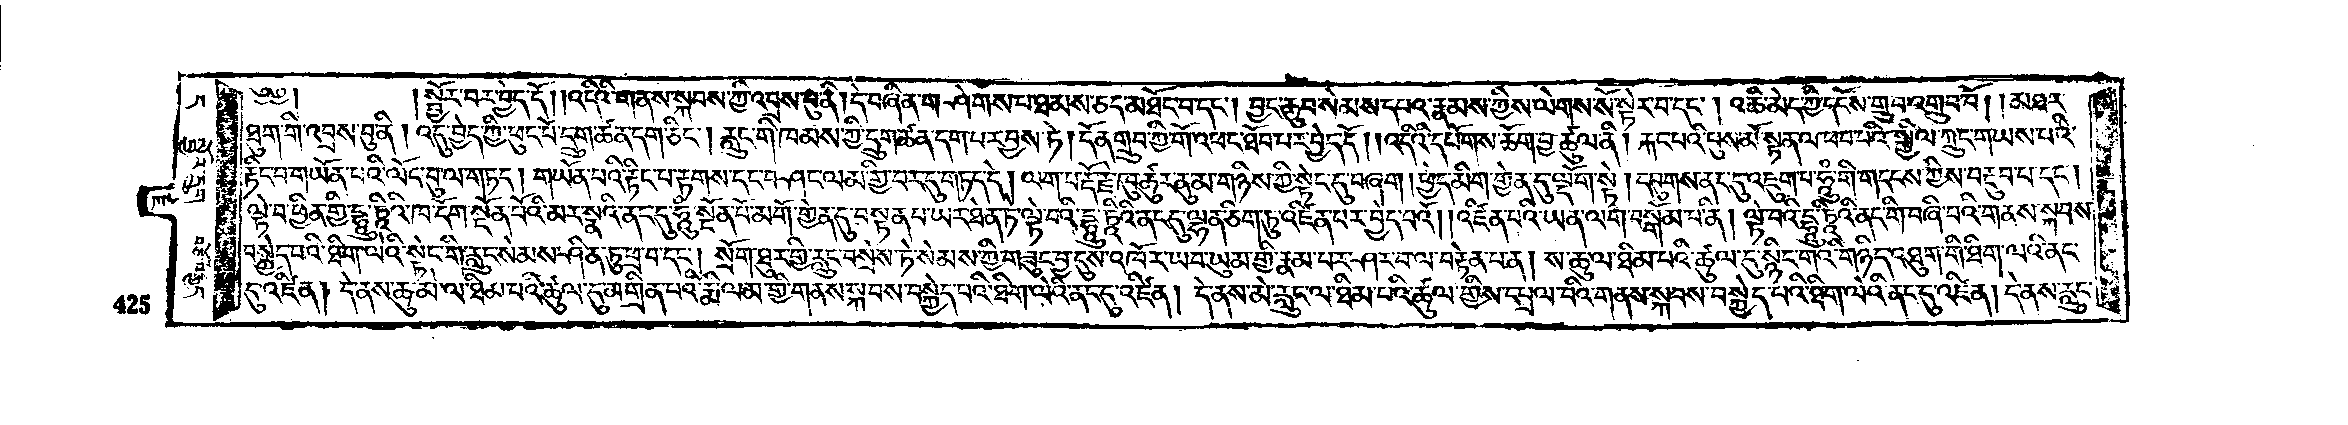༄༅། །སྦྱོར་བར་བྱེད་དོ། །འདིའི་གནས་སྐབས་ཀྱི་འབྲས་བུ་ནི། དེ་བཞིན་གཤེགས་པ་ཐམས་ཅད་མཐོང་བ་དང་། བྱང་ཆུབ་སེམས་དཔའ་རྣམས་ཀྱིས་ལེགས་སོ་སྟེར་བ་དང་། འཆི་མེད་ཀྱི་དངོས་གྲུབ་འགྲུབ་བོ། །མཐར་
ཐུག་གི་འབྲས་བུ་ནི། འདུ་བྱེད་ཀྱི་ཕུང་པོ་དྲུག་ཚན་དག་ཅིང་། རླུང་གི་ཁམས་ཀྱི་དྲུག་ཚན་དག་པར་བྱས་ཏེ། དོན་གྲུབ་ཀྱི་གོ་འཕང་ཐོབ་པར་བྱེད་དོ། །འདིའི་དཔོགས་ཆོག་བྱ་ཚུལ་ནི། རྐང་པའི་པུས་མོ་སྟན་ལ་ཕབ་པའི་སྐྱིལ་ཀྲུང་གཡས་པའི་
རྟིང་པ་གཡོན་པའི་ལོང་བུ་ལ་གཏད། གཡོན་པའི་རྟིང་པ་རྟགས་དང་བཤང་ལམ་གྱི་བར་དུ་གཏད་དེ། ལག་པ་རྡོ་རྗེ་ཁུ་ཚུར་ནུ་མ་གཉིས་ཀྱི་སྟེང་དུ་བཞག །ཕྱེད་མིག་གྱེན་དུ་ལྡོག་སྟེ། དབུགས་ནང་དུ་འཇུག་པ་ཧཱུཾ་གི་གདངས་ཀྱིས་བརྡུབ་པ་དང་།
ལྟེ་བ་ཕྱིན་གྱི་དྷཱུ་ཏཱིའི་ཁ་དོག་སྔོན་པོའི་མར་སྣའི་ནང་དུ་ཧཱུཾ་སྔོན་པོ་མགོ་གྱེན་དུ་བསྟན་པ་ཡར་ཐེན་ཏེ་ལྟེ་བའི་དྷཱུ་ཏཱིའི་ནང་དུ་ལྷན་ཅིག་ཏུ་འཛིན་པར་བྱེད་པའོ། །འཛིན་པའི་ཡན་ལག་བསྒོམ་པ་ནི། ལྟེ་བའི་དྷཱུ་ཏཱིའི་ནང་གི་བཞི་པའི་གནས་སྐབས་
བསྐྱེད་པའི་ཐིག་ལེའི་སྟེང་གི་རླུང་སེམས་ཤིན་ཏུ་ཕྲ་བ་དང་། སྲོག་ཐུར་གྱི་རླུང་བསྲེས་ཏེ་སེམས་ཀྱི་གཟུང་བྱ་དུས་འཁོར་ཡབ་ཡུམ་གྱི་རྣམ་པར་ཤར་བ་ལ་བརྟེན་པ་ན། ས་ཆུ་ལ་ཐིམ་པའི་ཚུལ་དུ་སྙིང་གའི་གཉིད་འཐུག་གི་ཐིག་ལའི་ནང་
དུ་འཛིན། དེ་ནས་ཆུ་མེ་ལ་ཐིམ་པའི་ཚུལ་དུ་མགྲིན་པའི་རྨི་ལམ་གྱི་གནས་སྐབས་བསྐྱེད་པའི་ཐིག་ལེའི་ནང་དུ་འཛིན། དེ་ནས་མེ་རླུང་ལ་ཐིམ་པའི་ཚུལ་གྱིས་དཔྲལ་བའི་གནས་སྐབས་བསྐྱེད་པའི་ཐིག་ལེའི་ནང་དུ་འཛིན། དེ་ནས་རླུང་